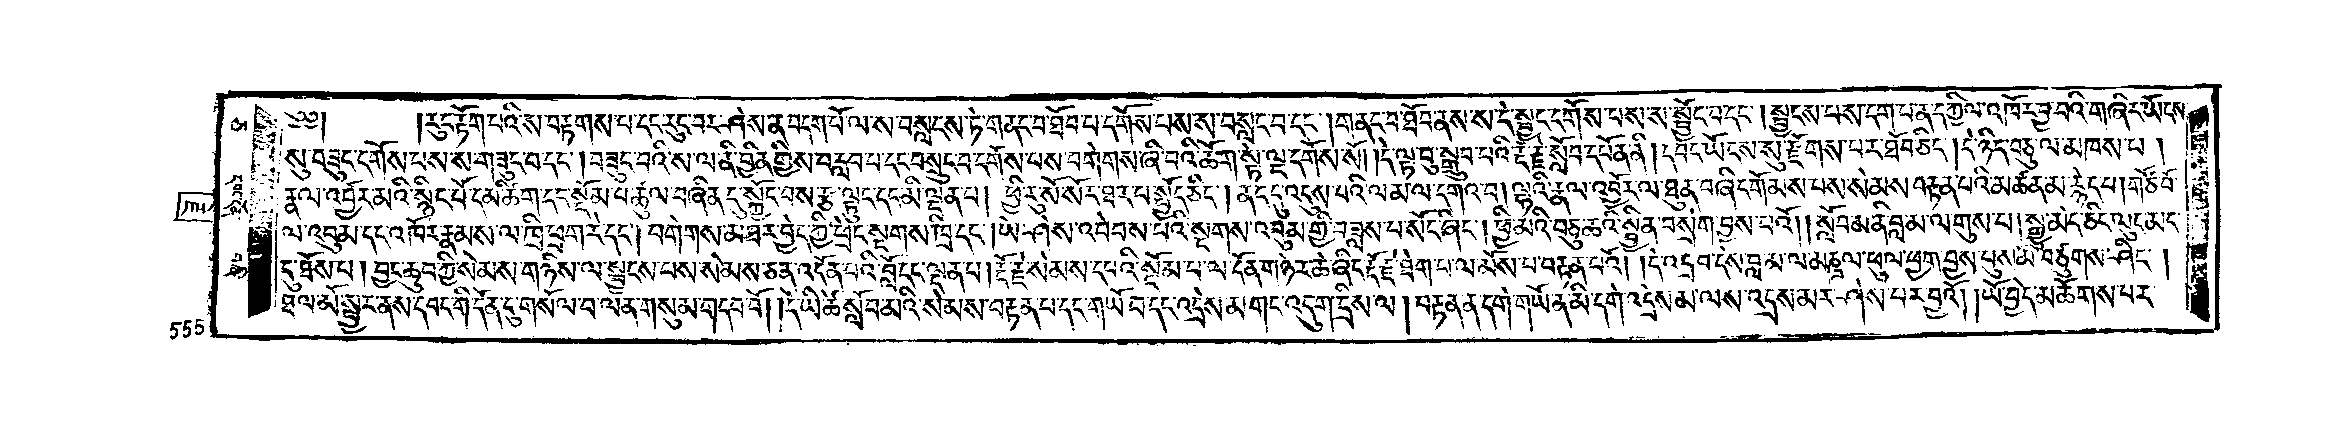༄༅། །རུང་རྟོག་པའི་ས་བརྟགས་པ་དང་རུང་བར་ཤེས་ན་བདག་པོ་ལ་ས་བསླངས་ཏེ་གནང་བ་ཐོབ་པ་དགོས་པས་ས་བསླང་བ་དང་། གནང་བ་ཐོབ་ནས་ས་དེ་སྦྱང་དགོས་པས་ས་སྦྱོང་བ་དང་། སྦྱངས་པས་དག་པ་ན་དཀྱིལ་འཁོར་བྱ་བའི་གཞིར་ཡོངས་
སུ་བཟུང་དགོས་པས་ས་གཟུང་བ་དང་། བཟུང་བའི་ས་ལ་ནི་བྱིན་གྱིས་བརླབ་པ་དང་བསྲུང་བ་དགོས་པས་བགེགས་ཞི་བའི་ཆོ་ག་སྟེ་ལྔ་དགོས་སོ། །དེ་ལྟ་བུ་སྒྲུབ་པའི་རྡོ་རྗེ་སློབ་དཔོན་ནི། དབང་ཡོངས་སུ་རྫོགས་པར་ཐོབ་ཅིང་། དེ་ཉིད་བཅུ་ལ་མཁས་པ།
རྣལ་འབྱོར་མའི་སྙིང་པོ་དམ་ཚིག་དང་སྡོམ་པ་ཚུལ་བཞིན་དུ་སྐྱོང་བས་རྩ་ལྟུང་དང་མི་ལྡན་པ། ཕྱི་རུ་སོ་སོར་ཐར་པ་སྤྱོད་ཅིང་། ནང་དུ་འདུས་པའི་ལམ་ལ་དགའ་བ། ལྷའི་རྣལ་འབྱོར་ལ་ཐུན་བཞིང་གོམས་པས་སེམས་བརྟན་པའི་མཚན་མ་རྙེད་པ། གཙོ་བོ་
ལ་འབུམ་དང་འཁོར་རྣམས་ལ་ཁྲི་ཕྲག་རེ་དང་། བགེགས་མཐར་བྱེད་ཀྱི་ཕྲེང་སྔགས་ཁྲི་དང་། ཡེ་ཤེས་འབེབས་པའི་སྔགས་འབུམ་གྱི་བཟླས་པ་སོང་ཞིང་། ཕྱི་མའི་བཅུ་ཆའི་སྦྱིན་བསྲེག་བྱས་པའོ། །སློབ་མ་ནི་བླ་མ་ལ་གུས་པ། སྒྱུ་མེད་ཅིང་ལུང་མང་
དུ་ཐོས་པ། བྱང་ཆུབ་ཀྱི་སེམས་གཉིས་ལ་སྦྱངས་པས་སེམས་ཅན་འདོན་པའི་བློ་དང་ལྡན་པ། རྡོ་རྗེ་སེམས་དཔའི་སྡོམ་པ་ལ་དོན་གཉེར་ཆེ་ཞིང་རྡོ་རྗེ་ཐེག་པ་ལ་མོས་པ་བརྟན་པའོ། །དེ་འདྲ་བ་དེས་བླ་མ་ལ་མཎྜལ་ཕུལ་ཕྱག་བྱས་པུས་མོ་བཙུགས་ཤིང་།
ཐལ་མོ་སྦྱར་ནས་དབང་གི་དོན་དུ་གསོལ་བ་ལན་གསུམ་གདབ་བོ། །དེ་ཡི་ཚེ་སློབ་མའི་སེམས་བརྟན་པ་དང་གཡོ་བ་དང་འདྲེས་མ་གང་འདུག་དྲིས་ལ། བརྟན་ན་དགེ་གཡོ་ན་མི་དགེ་འདྲེས་མ་ལས་འདྲས་མར་ཤེས་པར་བྱའོ། །ཡོ་བྱད་མ་ཚོགས་པར་